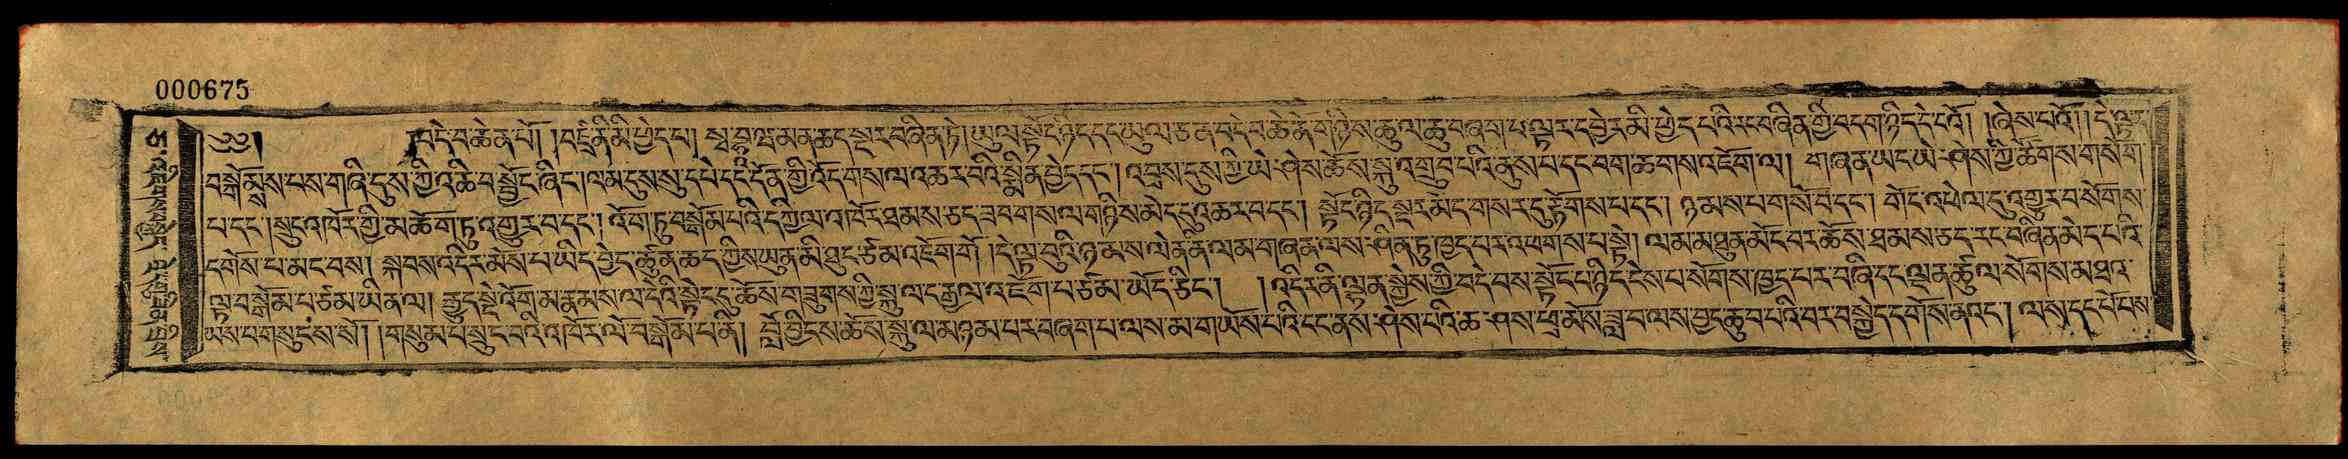༄༅། །བདེ་བ་ཆེན་པོ། །བཛྲ་ནི་མི་ཕྱེད་པ། སྭ་བྷཱ་ཝ་མན་ཆད་སྔར་བཞིན་ཏེ། ཡུལ་སྟོང་ཉིད་དང་ཡུལ་ཅན་བདེ་བ་ཆེན་ནོ་གཉིས་ཆུ་ལ་ཆུ་བཞག་པ་ལྟར་དབྱེར་མི་ཕྱེད་པའི་རང་བཞིན་གྱི་བདག་ཉིད་དེ་ངའོ། །ཞེས་པའོ། །དེ་ལྟར་
བསྒོམ་པས་གཞི་དུས་ཀྱི་འཆི་བ་སྦྱོང་ཞིང་། ལམ་དུས་སུ་དཔེ་དང་དོན་གྱི་འོད་གསལ་འཆར་བའི་སྨིན་བྱེད་དང་། འབྲས་དུས་ཀྱི་ཡེ་ཤེས་ཆོས་སྐུ་འགྲུབ་པའི་ནུས་པ་དང་བག་ཆགས་འཇོག་ལ། གཞན་ཡང་ཡེ་ཤེས་ཀྱི་ཚོགས་གསོག་
པ་དང་། སྲུང་འཁོར་གྱི་མཆོག་ཏུ་འགྱུར་བ་དང་། འོག་ཏུ་བསྒོམ་པའི་དཀྱིལ་འཁོར་ཐམས་ཅད་ཟབ་གསལ་གཉིས་མེད་དུ་འཆར་བ་དང་། སྟོང་ཉིད་སྔར་མེད་གསར་དུ་རྟོགས་པ་དང་། ཉམས་པ་གསོ་བ་དང་། གོང་འཕེལ་དུ་འགྱུར་བ་སོགས་
དགོས་པ་མང་བས། སྐབས་འདིར་མོས་པ་ཡིད་བྱེད་ཚུན་ཆད་ཀྱིས་ཡུན་མི་ཐུང་ཙམ་འཇོག་གོ །དེ་ལྟ་བུའི་ཉམས་ལེན་ནི་ལམ་གཞན་ལས་ཤིན་ཏུ་ཁྱད་པར་འཕགས་པ་སྟེ། ལམ་མཐུན་མོང་བར་ཆོས་ཐམས་ཅད་རང་བཞིན་མེད་པའི་
ལྟ་བ་སྒོམ་པ་ཙམ་ཡིན་ལ། རྒྱུད་སྡེ་འོག་མ་རྣམས་ལ་དེའི་སྟེང་དུ་ཆོས་གཟུགས་ཀྱི་སྐུ་ལ་ང་རྒྱལ་འཇོག་པ་ཙམ་ཡོད་ཅིང་། འདིར་ནི་ལྷན་སྐྱེས་ཀྱི་བདེ་བས་སྟོང་པ་ཉིད་ངེས་པ་སོགས་ཁྱད་པར་བཞི་དང་ལྡན་ཚུལ་སོགས་མཐའ་
ཡས་པ་གསུངས་སོ། །གསུམ་པ་སྲུང་བའི་འཁོར་ལོ་བསྒོམ་པ་ནི། བློ་བྱིངས་ཆོས་སྐུ་ལ་མཉམ་པར་བཞག་པ་ལས་མ་གཡོས་པའི་ངང་ནས་ཤེས་པའི་ཆ་ཤས་ཕྲ་མོས་ཟླ་བ་ལས་བྱང་ཆུབ་པའི་བར་བསྐྱེད་དགོས་ནའང་། ལས་དང་པོ་པས་